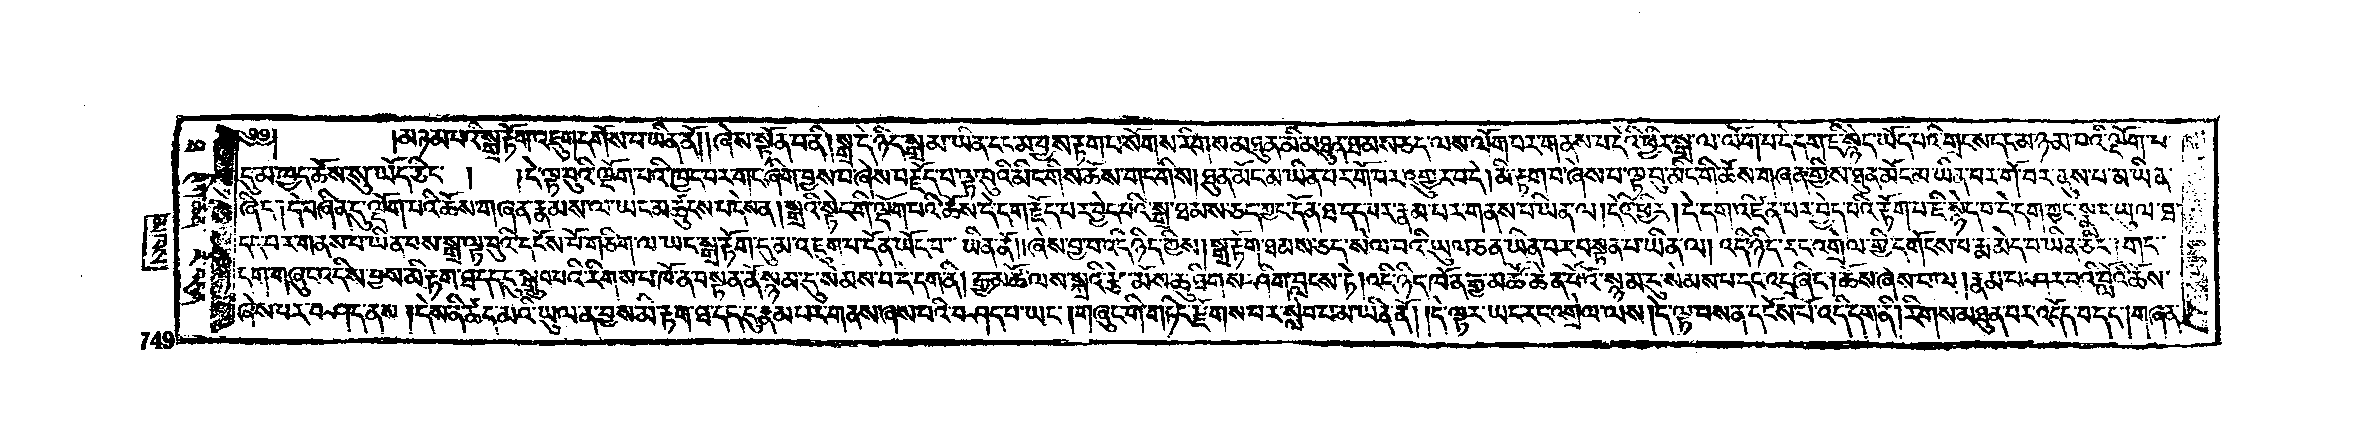༄༅། །མཉམ་པའི་སྒྲ་རྟོག་འཇུག་དགོས་པ་ཡིན་ནོ། །ཞེས་སྟོན་པ་ནི། སྒྲ་དེ་ཉིད་སྒྲ་མ་ཡིན་དང་མ་བྱས་རྟག་པ་སོགས་རིགས་མཐུན་མི་མཐུན་ཐམས་ཅད་ལས་ལོག་པར་གནས་པ་དེའི་ཕྱིར་སྒྲ་ལ་ལོག་པ་དེ་དག་ཇི་སྙེད་ཡོད་པའི་གྲངས་དང་མཉམ་པའི་ལྡོག་པ་
དུ་མ་ཁྱད་ཆོས་སུ་ཡོད་ཅིང་། །དེ་ལྟ་བུའི་ལྡོག་པའི་ཁྱད་པར་གང་ཞིག་བྱས་པ་ཞེས་བརྗོད་པ་ལྟ་བུའི་མིང་གིས་ཆོས་གང་གིས། ཐུན་མོང་མ་ཡིན་པར་གོ་བར་འགྱུར་བ་དེ། མི་རྟག་བ་ཞེས་པ་ལྟ་བུ་མིང་གི་ཆོས་གཞན་གྱིས་ཐུན་མོང་མ་ཡིན་པར་གོ་བར་ནུས་པ་མ་ཡིན་
ཞིང་། དེ་བཞིན་དུ་ལྡོག་པའི་ཆོས་གཞན་རྣམས་ལ་ཡང་མཚུངས་པ་དེས་ན། སྒྲའི་སྟེང་གི་ལྡོག་པའི་ཆོས་དེ་དག་རྗོད་པར་བྱེད་པའི་སྒྲ་ཐམས་ཅད་ཀྱང་དོན་ཐ་དད་པར་རྣམ་པར་གནས་པ་ཡིན་ལ། དེའི་ཕྱིར། དེ་དག་འཛིན་པར་བྱེད་པའི་རྟོག་པ་ཇི་སྙེད་བ་དེ་དག་ཀྱང་སྣང་ཡུལ་ཐ་
དད་པར་གནས་པ་ཡིན་པས་སྒྲ་ལྟ་བུའི་དངོས་པོ་གཅིག་ལ་ཡང་སྒྲ་རྟོག་དུ་མ་འཇུག་པ་དོན་ཡོད་པ་ཡིན་ནོ། །ཞེས་བྱ་བ་འདི་ཉིད་ཀྱིས། སྒྲ་རྟོག་ཐམས་ཅད་སེལ་བའི་ཡུལ་ཅན་ཡིན་པར་བསྟན་པ་ཡིན་ལ། འདི་ཉིད་རང་འགྲེལ་གྱི་དགོངས་པ་རྨ་མེད་པ་ཡིན་ཅིང་། གང་
དག་གཞུང་འདིས་བྱས་མི་རྟག་ཐ་དད་དུ་སྒྲུབ་པའི་རིགས་པ་ཁོ་ན་བསྟན་ནོ་སྙམ་དུ་སེམས་པ་དེ་དག་ནི། རྒྱ་མཚོ་ལས་སྐྲའི་རྩེ་མོས་ཆུ་ཐིགས་ཤིག་བླངས་ཏེ། འདི་ཉིད་ཁོ་ན་རྒྱ་མཚོ་ཆེན་པོའི་སྙམ་དུ་སེམས་པ་དང་འདྲ་ཞིང་། ཆོས་ཞེས་པ་ལ། རྣམ་པ་ཤར་བའི་བློའི་ཆོས་
ཞེས་པར་བཤད་ནས། དེས་ནི་ཚད་མའི་ཡུལ་ན་བྱས་མི་རྟག་ཐ་དད་དུ་རྣམ་པར་གནས་ཞས་པའི་བཤད་པ་ཡང་། གཞུང་གི་གཏིང་རྫོགས་པར་སླེབ་པ་མ་ཡིན་ནོ། །དེ་ལྟར་ཡང་རང་འགྲེལ་ལས། དེ་ལྟ་བས་ན་དངོས་པོ་འདི་དག་ནི། རིགས་མཐུན་པར་འདོད་པ་དང་། གཞན་